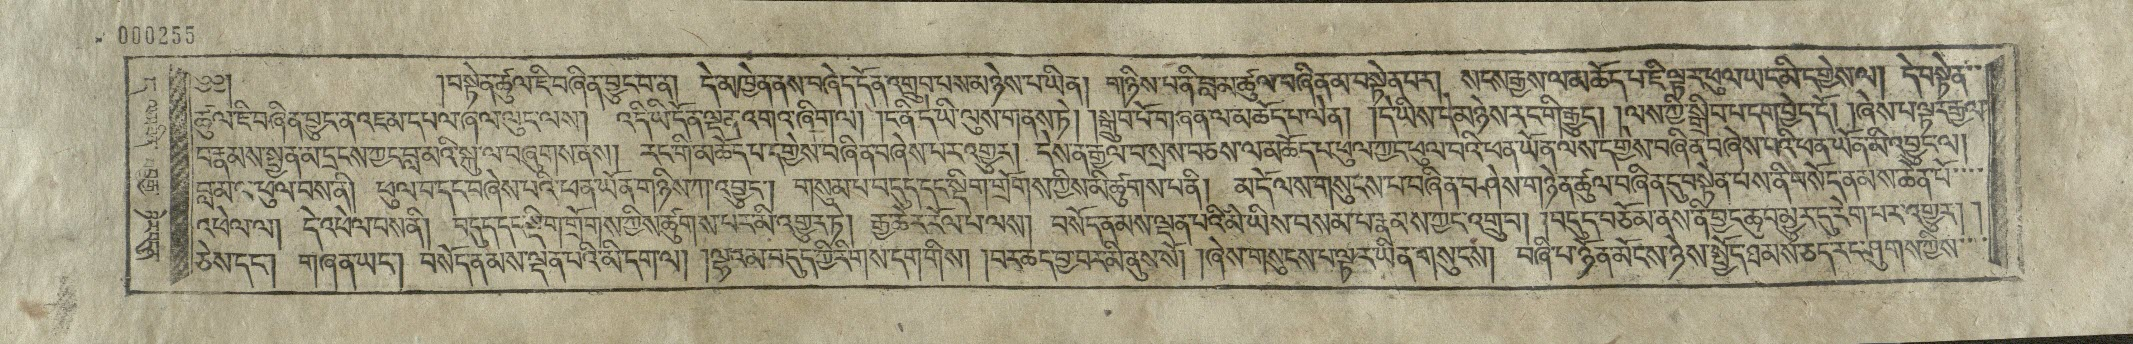༄༅། །བསྟེན་ཚུལ་ཇི་བཞིན་བྱུང་བ་ན། དེ་མཁྱེན་ནས་བཞེད་དོན་འགྲུབ་པས་མཉེས་པ་ཡིན། གཉིས་པ་ནི་བླ་མ་ཚུལ་བཞིན་མ་བསྟེན་པར། སངས་རྒྱས་ལ་མཆོད་པ་ཇི་ལྟར་ཕུལ་ཡང་མི་དགྱེས་ལ། དེ་བསྟེན་
ཚུལ་ཇི་བཞིན་བྱུང་ན་འཇམ་དཔལ་ཞལ་ལུང་ལས། འདི་ཡི་དོན་ལྡན་འགའ་ཞིག་ལ། །ང་ནི་དེ་ཡི་ལུས་གནས་ཏེ། །སྒྲུབ་པོ་གཞན་ལ་མཆོད་པ་ལེན། །དེ་ཡིས་དེ་མཉེས་རང་གི་རྒྱུད། །ལས་ཀྱི་སྒྲིབ་པ་དག་བྱེད་དོ། །ཞེས་པ་ལྟར་རྒྱལ་
བ་རྣམས་སྤྱན་མ་དྲངས་ཀྱང་བླ་མའི་སྐུ་ལ་བཞུགས་ནས། རང་གི་མཆོད་པ་དགྱེས་བཞིན་བཞེས་པར་འགྱུར། དེས་ན་རྒྱལ་བ་སྲས་བཅས་ལ་མཆོད་པ་ཕུལ་ཀྱང་ཕུལ་བའི་ཕན་ཡོན་ལས་དགྱེས་བཞིན་བཞེས་པའི་ཕན་ཡོན་མི་འབྱུང་ལ།
བླ་མ་ལ་ཕུལ་བས་ནི། ཕུལ་བ་དང་བཞེས་པའི་ཕན་ཡོན་གཉིས་ཀ་འབྱུང་། གསུམ་པ་བདུད་དང་སྡིག་གྲོགས་ཀྱིས་མི་ཚུགས་པ་ནི། མདོ་ལས་གསུངས་པ་བཞིན་བཤེས་གཉེན་ཚུལ་བཞིན་དུ་བསྟེན་པས་ནི་བསོད་ནམས་ཆེན་པོ་
འཕེལ་ལ། དེ་འཕེལ་བས་ནི། བདུད་དང་སྡིག་གྲོགས་ཀྱིས་ཚུགས་པར་མི་འགྱུར་ཏེ། རྒྱ་ཆེར་རོལ་པ་ལས། བསོད་ནམས་ལྡན་པའི་མི་ཡིས་བསམ་པ་རྣམས་ཀྱང་འགྲུབ། །བདུད་བཅོམ་ནས་ནི་བྱང་ཆུབ་མྱུར་དུ་རེག་པར་འགྱུར། །
ཅེས་དང་། གཞན་ཡང་། བསོད་ནམས་ལྡན་པའི་མི་དག་ལ། །ལྷའམ་བདུད་ཀྱི་རིགས་དག་གིས། །བར་ཆད་བྱ་བར་མི་ནུས་སོ། །ཞེས་གསུངས་པ་ལྟར་ཡིན་གསུངས། བཞི་པ་ཉོན་མོངས་ཉེས་སྤྱོད་ཐམས་ཅད་རང་ཤུགས་ཀྱིས་